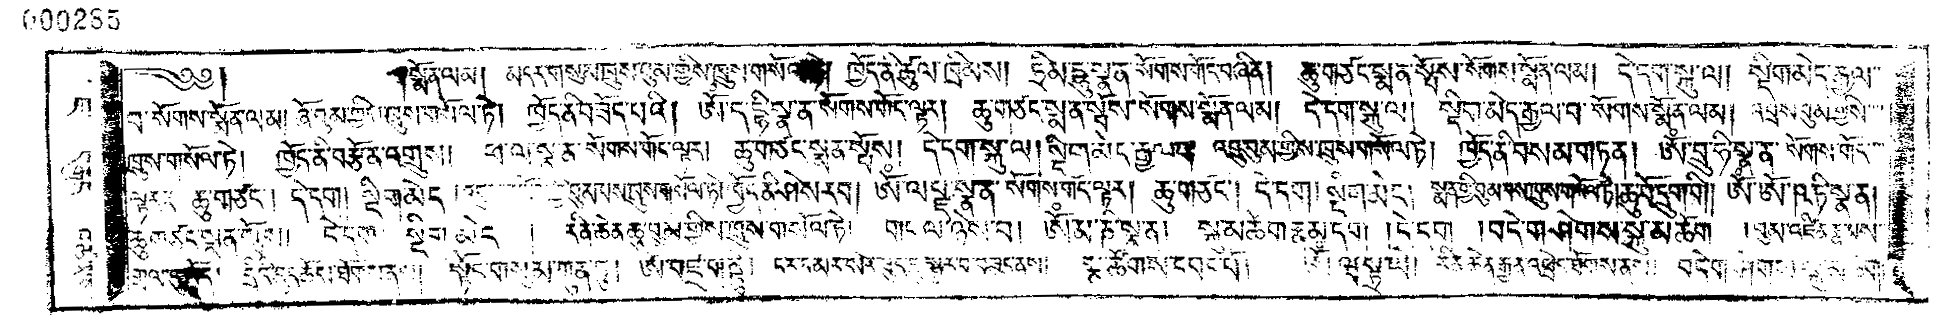༄༅། །སྨོན་ལམ། མངར་གསུམ་ཁྲུས་བུམ་གྱིས་ཁྲུས་གསོལ་ཏེ། ཁྱོད་ནི་ཚུལ་ཁྲིམས། ཏྲིམ་དྷུ་སྣ་ན་སོགས་གོང་བཞིན།  ཆུ་གཙང་སྨན་སྤོས་སོགས་སྨོན་ལམ། དེ་དག་སྐུ་ལ། སྡིག་མེད་རྒྱལ་
བ་སོགས་སྨོན་ལམ། ཞོ་བུམ་གྱིས་ཁྲུས་གསོལ་ཏེ།  ཁྱོད་ནི་བཟོད་པའི། ཨོཾ་ད་དྷི་སྣ་ན་སོགས་གོང་ལྟར།  ཆུ་གཙང་སྨན་སྤོས་སོགས་སྨོན་ལམ།  དེ་དག་སྐུ་ལ། སྡིག་མེད་རྒྱལ་བ་སོགས་སྨོན་ལམ། འབྲས་བུམ་གྱིས་
ཁྲུས་གསོལ་ཏེ། ཁྱོད་ནི་བརྩོན་འགྲུས། ཕ་ལ་སྣ་ན་སོགས་གོང་ལྟར།  ཆུ་གཙང་སྨན་སྤོས། དེ་དག་སྐུ་ལ། སྡིག་མེད་རྒྱལ་བ། འབྲུ་བུམ་གྱིས་ཁྲུས་གསོལ་ཏེ།  ཁྱོད་ནི་བསམ་གཏན། ཨོཾ་བྲུ་ཧི་སྣ་ན་སོགས་གོང་
ལྟར༑ ཆུ་གཙང་། དེ་དག །སྡིག་མེད། འབྲས་གཡོས་ཀྱི་བུམ་པས་ཁྲུས་གསོལ་ཏེ། ཁྱོད་ནི་ཤེས་རབ།  ཨོཾ་ལཔྫ་སྣ་ན་སོགས་གོང་ལྟར།  ཆུ་གཙང་། དེ་དག །སྡིག་མེད། སྨན་གྱི་བུམ་པས་ཁྲུས་གསོལ་ཏེ།  ཆུ་བོ་དྲུག་གི །ཨོཾ་ཨོ་ཥ་ཏི་སྣ་ན།
ཆུ་གཙང་སྨན་སྤོས། དེ་དག །སྡིག་མེད། རིན་ཆེན་ཆུ་བུམ་གྱིས་ཁྲུས་གསོལ་ཏེ།  གང་ལ་ཉེས་པ། ཨོཾ་མ་ཎི་སྣ་ན། སྐུ་མཆོག་རྣམ་དག །དེ་དག །བདེ་གཤེགས་སྐུ་མཆོག །བུམ་འཛིན་རྣམས་
གྲལ་དུ་ཁོད། དྲིའི་དུད་ཆོས་ཐོགས་ནས། སྟོང་གསུམ་ཀུན་ཏུ། ཨོཾ་བཛྲ་གནྡྷེ། དར་དམར་སེར་ཟུང་དུ་སྦྱར་བ་བཟུང་ནས།  སྣ་ཚོགས་དབང་པོ། ཨོཾ་ཝསྟྲ་ཡེ། རིན་ཆེན་རྒྱན་འཕྲེང་ཐོགས་ནས།  བདེ་གཤེགས་སྐུ་མཆོག །